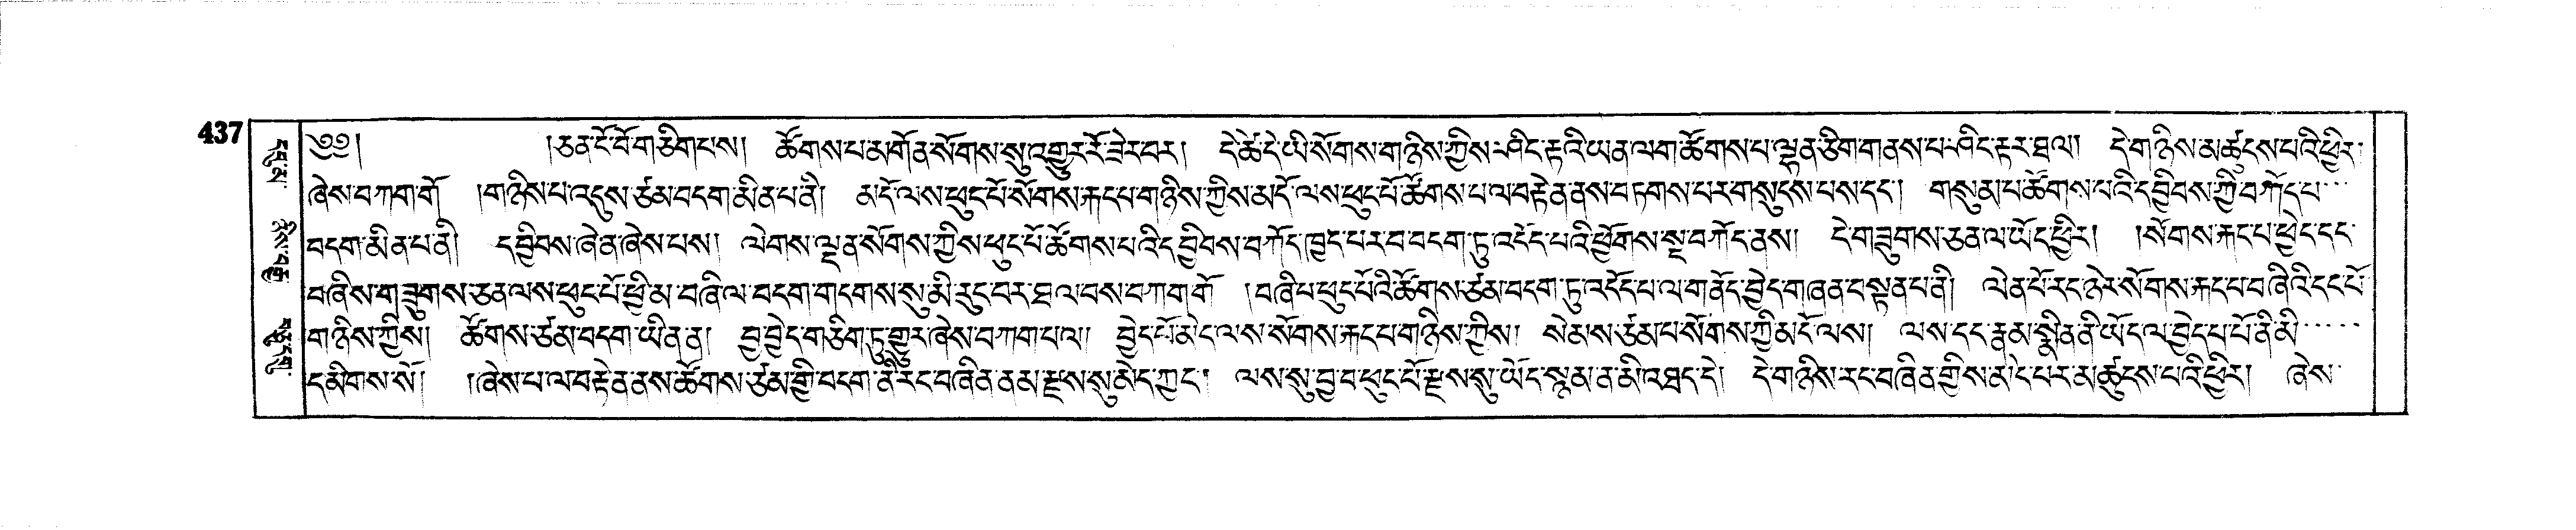༄༅། །ཅན་ངོ་བོ་གཅིག་པས། ཚོགས་པ་མགོན་སོགས་སུ་འགྱུར་རོ་ཟེར་བར། དེ་ཚེ་དེ་ཡི་སོགས་གཉིས་ཀྱིས་ཤིང་རྟའི་ཡན་ལག་ཚོགས་པ་ལྷན་ཅིག་གནས་པ་ཤིང་རྟར་ཐལ། དེ་གཉིས་མཚུངས་པའི་ཕྱིར་
ཞེས་བཀག་གོ །གཉིས་པ་འདུས་ཙམ་བདག་མིན་པ་ནི། མདོ་ལས་ཕུང་པོ་སོགས་རྐང་པ་གཉིས་ཀྱིས་མདོ་ལས་ཕུང་པོ་ཚོགས་པ་ལ་བརྟེན་ནས་བཏགས་པར་གསུངས་པས་དང་། གསུམ་པ་ཚོགས་པའི་དབྱིབས་ཀྱི་བཀོད་པ་
བདག་མིན་པ་ནི། དབྱིབས་ཞེ་ན་ཞེས་པས། ལེགས་ལྡན་སོགས་ཀྱིས་ཕུང་པོ་ཚོགས་པའི་དབྱིབས་བཀོད་ཁྱད་པར་བ་བདག་ཏུ་འདོད་པའི་ཕྱོགས་སྔ་བཀོད་ནས། དེ་གཟུགས་ཅན་ལ་ཡོད་ཕྱིར། །སོགས་རྐང་པ་ཕྱེད་དང་
བཞིས་གཟུགས་ཅན་ལས་ཕུང་པོ་ཕྱི་མ་བཞི་ལ་བདག་གདགས་སུ་མི་རུང་བར་ཐལ་བས་བཀག་གོ །བཞི་པ་ཕུང་པོའི་ཚོགས་ཙམ་བདག་ཏུ་འདོད་པ་ལ་གནོད་བྱེད་གཞན་བསྟན་པ་ནི། ལེན་པོ་རང་ཉེར་སོགས་རྐང་པ་བཞིའི་དང་པོ་
གཉིས་ཀྱིས། ཚོགས་ཙམ་བདག་ཡིན་ན། བྱ་བྱེད་གཅིག་ཏུ་གྱུར་ཞེས་བཀག་པ་ལ། བྱེད་པོ་མེད་ལས་སོགས་རྐང་པ་གཉིས་ཀྱིས། སེམས་ཙམ་པ་སོགས་ཀྱི་མདོ་ལས། ལས་དང་རྣམ་སྨིན་ནི་ཡོད་ལ་བྱེད་པ་པོ་ནི་མི་
དམིགས་སོ། །ཞེས་པ་ལ་བརྟེན་ནས་ཚོགས་ཙམ་གྱི་བདག་ནི་རང་བཞིན་ནམ་རྫས་སུ་མེད་ཀྱང་། ལས་སུ་བྱ་བ་ཕུང་པོ་རྫས་སུ་ཡོད་སྙམ་ན་མི་འཐད་དེ། དེ་གཉིས་རང་བཞིན་གྱིས་མེད་པར་མཚུངས་པའི་ཕྱིར། ཞེས་